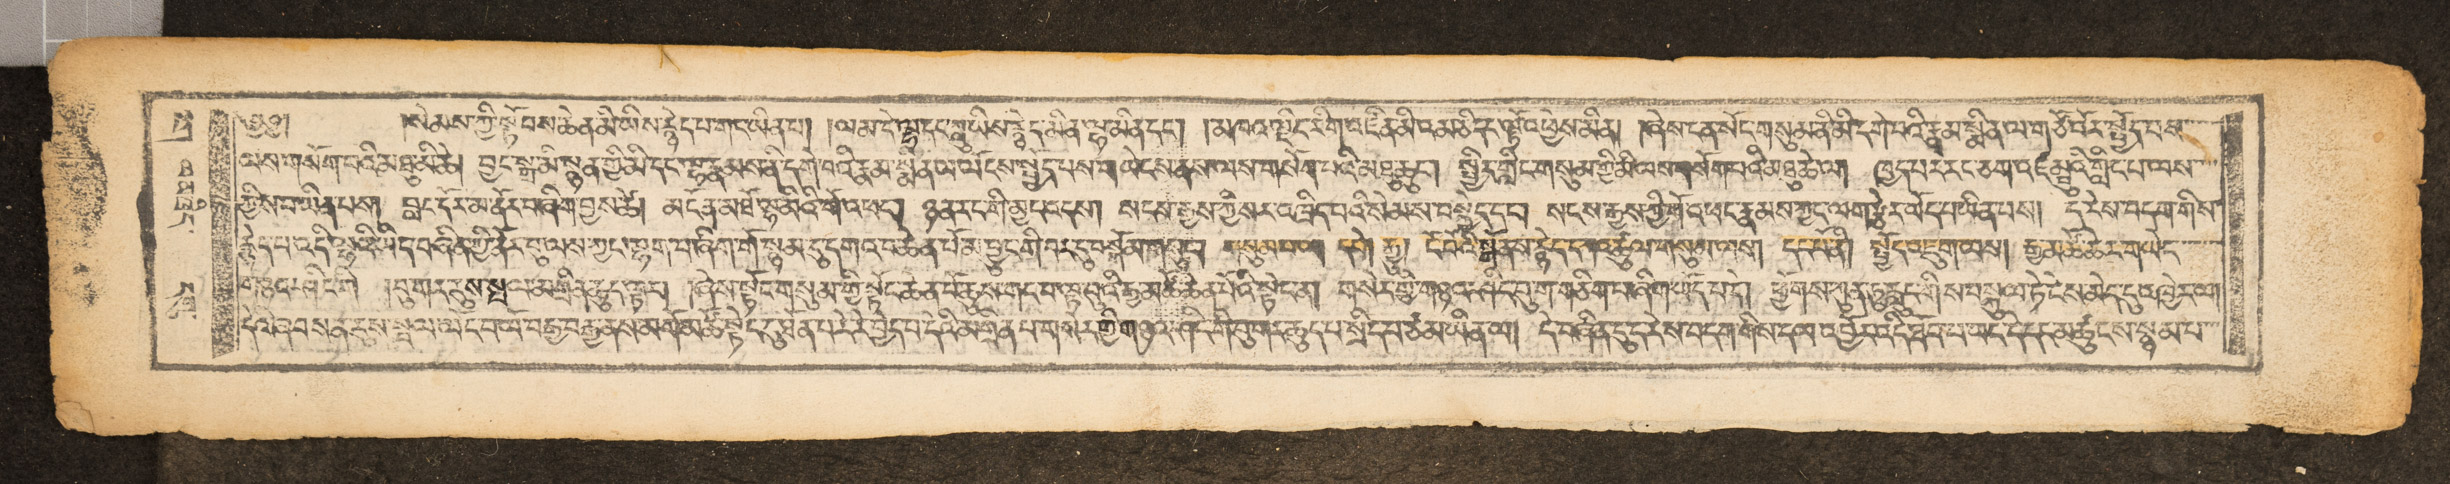༄༅། །སེམས་ཀྱི་སྟོབས་ཆེན་མི་ཡིས་རྙེད་པ་གང་ཡིན་པ། །ལམ་དེ་ལྷ་དང་ཀླུ་ཡིས་རྙེད་མིན་ལྷ་མིན་དང་། །མཁའ་ལྡིང་རིག་འཛིན་མི་འམ་ཅི་དང་ལྟོ་འཕྱེས་མིན། །ཞེས་ངན་སོང་གསུམ་ནི་མི་དགེ་བའི་རྣམ་སྨིན་ལ་གཙོ་བོར་སྤྱོད་པས་
ལས་གསོག་པའི་མཐུ་མི་ཆེ། བྱང་སྒྲ་མི་སྙན་གྱི་མི་དང་ལྷ་རྣམས་ནི་དགེ་བའི་རྣམ་སྨིན་ལ་ལོངས་སྤྱོད་པས་གཡེངས་ནས་ལས་གསོག་པའི་མཐུ་ཆུང་། སྤྱིར་གླིང་གསུམ་གྱི་མི་ལས་གསོག་པའི་མཐུ་ཆེ་ལ། ཁྱད་པར་རང་ཅག་འཛམྦུའི་གླིང་པ་ལས་
ཀྱིས་བ་ཡིན་པས། བླང་དོར་མ་ནོར་བ་ཞིག་བྱས་ཚེ། མངོན་མཐོ་ལྷ་མིའི་གོ་འཕང་། ཉན་རང་གི་མྱང་འདས། སངས་རྒྱས་ཀྱི་སར་འཁྲིད་པའི་སེམས་བསྐྱེད་དང་། སངས་རྒྱས་ཀྱི་གོ་འཕང་རྣམས་ཀྱང་ལག་རྩེར་ཡོད་པ་ཡིན་པས། ད་རེས་བདག་གིས་
རྙེད་པ་འདི་ལྷའི་ཡིད་བཞིན་གྱི་ནོར་བུ་ལས་ཀྱང་ལྷག་པ་ཞིག་གོ་སྙམ་དུ་དགའ་བ་ཆེན་པོ་མ་བྱུང་གི་བར་དུ་བསྒོམ་གསུང་། གསུམ་པ་ལ། དཔེ་རྒྱུ། ངོ་བོའི་སྒོ་ནས་རྙེད་དཀའ་ཚུལ་གསུམ་ལས། དང་པོ་ནི། སྤྱོད་འཇུག་ལས། རྒྱ་མཚོ་ཆེར་གཡེང་
གཉའ་ཤིང་གི །བུ་གར་རུས་སྤལ་མགྲིན་ཆུད་ལྟར། །ཞེས་སྟོང་གསུམ་གྱི་སྟོང་ཆེན་པོ་ཆུས་གང་བ་ལྟ་བུའི་རྒྱ་མཚོ་ཆེན་པོའི་སྟེང་ན། གསེར་གྱི་གཉའ་ཤིང་བུ་ག་གཅིག་པ་ཞིག་ཡོད་པ་དེ། ཕྱོགས་ཀུན་ཏུ་རླུང་གིས་བསྐུལ་ཏེ་ངེས་མེད་དུ་འཁྱེར་ལ།
དེའི་ཞབས་ན་རུས་སྦལ་ལོང་བ་ལོ་བརྒྱ་བརྒྱ་ནས་མགོ་མཚོ་སྟེང་དུ་ཐོན་པ་རེ་རེ་བྱེད་པ་དེའི་མགྲིན་པ་གསེར་གྱི་གཉའ་ཤིང་གི་བུ་གར་ཆུད་པ་སྲིད་པ་ཙམ་ཡིན་ལ། དེ་བཞིན་དུ་ད་རེས་བདག་གིས་དལ་འབྱོར་འདི་ཐོབ་པ་ཡང་དེ་དང་མཚུངས་སྙམ་པ་